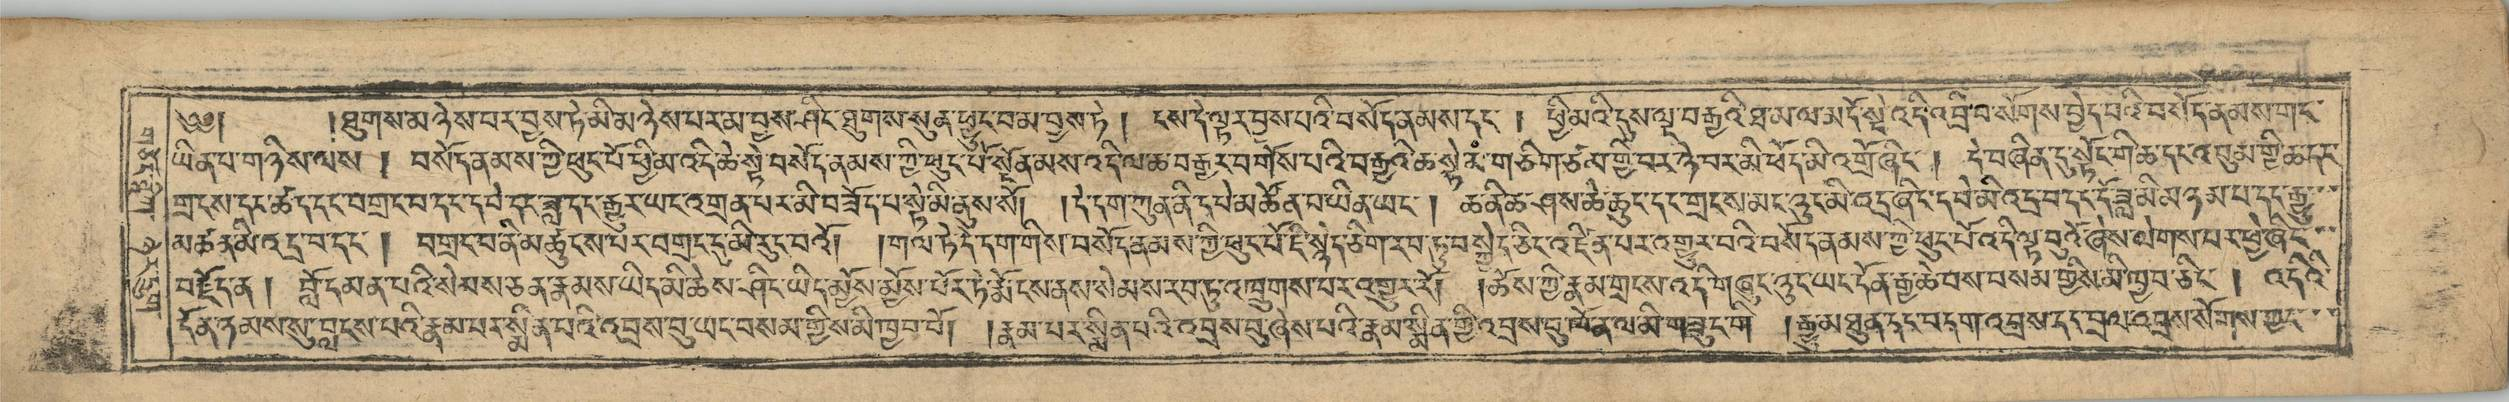༄༅། །ཐུགས་མཉེས་པར་བྱས་ཏེ་མི་མཉེས་པར་མ་བྱས་ཤིང་ཐུགས་སུན་ཕྱུང་བ་མ་བྱས་ཏེ། ངས་དེ་ལྟར་བྱས་པའི་བསོད་ནམས་དང་། ཕྱི་མའི་དུས་ལྔ་བརྒྱའི་ཐ་མ་ལ་མདོ་སྡེ་འདི་འབྲི་བ་སོགས་བྱེད་པའི་བསོད་ནམས་གང་
ཡིན་པ་གཉིས་ལས། བསོད་ནམས་ཀྱི་ཕུང་པོ་ཕྱི་མ་འདི་ཆེ་སྟེ་བསོད་ནམས་ཀྱི་ཕུང་པོ་སྔོན་མས་འདི་ལ་ཆ་བརྒྱར་བགོས་པའི་བརྒྱའི་ཆ་སྟེ་མ་གཅིག་ཙམ་གྱི་བར་ཉེ་བར་མི་ཕོད་མི་འགྲོ་ཞིང་། དེ་བཞིན་དུ་སྟོང་གི་ཆ་དང་འབུམ་གྱི་ཆ་དང་
གྲངས་དང་ཚད་དང་བགྲང་བ་དང་དཔེ་དང་ཟླ་དང་རྒྱུར་ཡང་འགྲན་པར་མི་བཟོད་པ་སྟེ་མི་ནུས་སོ། །དེ་དག་ཀུན་ནི་དཔེ་མཚོན་པ་ཡིན་ཡང་། ཆ་ནི་ཆ་ཤས་ཆེ་ཆུང་དང་གྲངས་མང་ཉུང་མི་འདྲ་ཞིང་དཔེ་མི་འདྲ་བ་དང་དོ་ཟླ་མི་མཉམ་པ་དང་རྒྱུ་
མཚན་མི་འདྲ་བ་དང་། བགྲང་བ་ནི་མཚུངས་པར་བགྲང་དུ་མི་རུང་བའོ། །གལ་ཏེ་དེ་དག་གིས་བསོད་ནམས་ཀྱི་ཕུང་པོ་ཇི་སྙེད་ཅིག་རབ་ཏུ་བསྐྱེད་ཅིང་འཛིན་པར་འགྱུར་བའི་བསོད་ནམས་ཀྱི་ཕུང་པོ་འདི་ལྟ་བུའོ་ཞེས་ལེགས་པར་ཕྱེ་ཞིང་
བརྗོད་ན། བློ་དམན་པའི་སེམས་ཅན་རྣམས་ཡིད་མི་ཆེས་ཤིང་ཡིད་མྱོས་མྱོས་པོར་ཏེ་རྨོངས་ནས་སེམས་རབ་ཏུ་འཁྲུགས་པར་འགྱུར་རོ། །ཆོས་ཀྱི་རྣམ་གྲངས་འདི་གཞུང་ཉུང་ཡང་དོན་རྒྱ་ཆེ་བས་བསམ་གྱིས་མི་ཁྱབ་ཅིང་། འདིའི་
དོན་ཉམས་སུ་བླངས་པའི་རྣམ་པར་སྨིན་པའི་འབྲས་བུ་ཡང་བསམ་གྱིས་མི་ཁྱབ་པོ། །རྣམ་པར་སྨིན་པའི་འབྲས་བུ་ཞེས་པའི་རྣམ་སྨིན་གྱི་འབྲས་བུ་ཡོད་ལ་མི་གཟུང་གི །རྒྱུ་མཐུན་དང་བདག་འབྲས་དང་བྲལ་འབྲས་སོགས་ཀྱང་